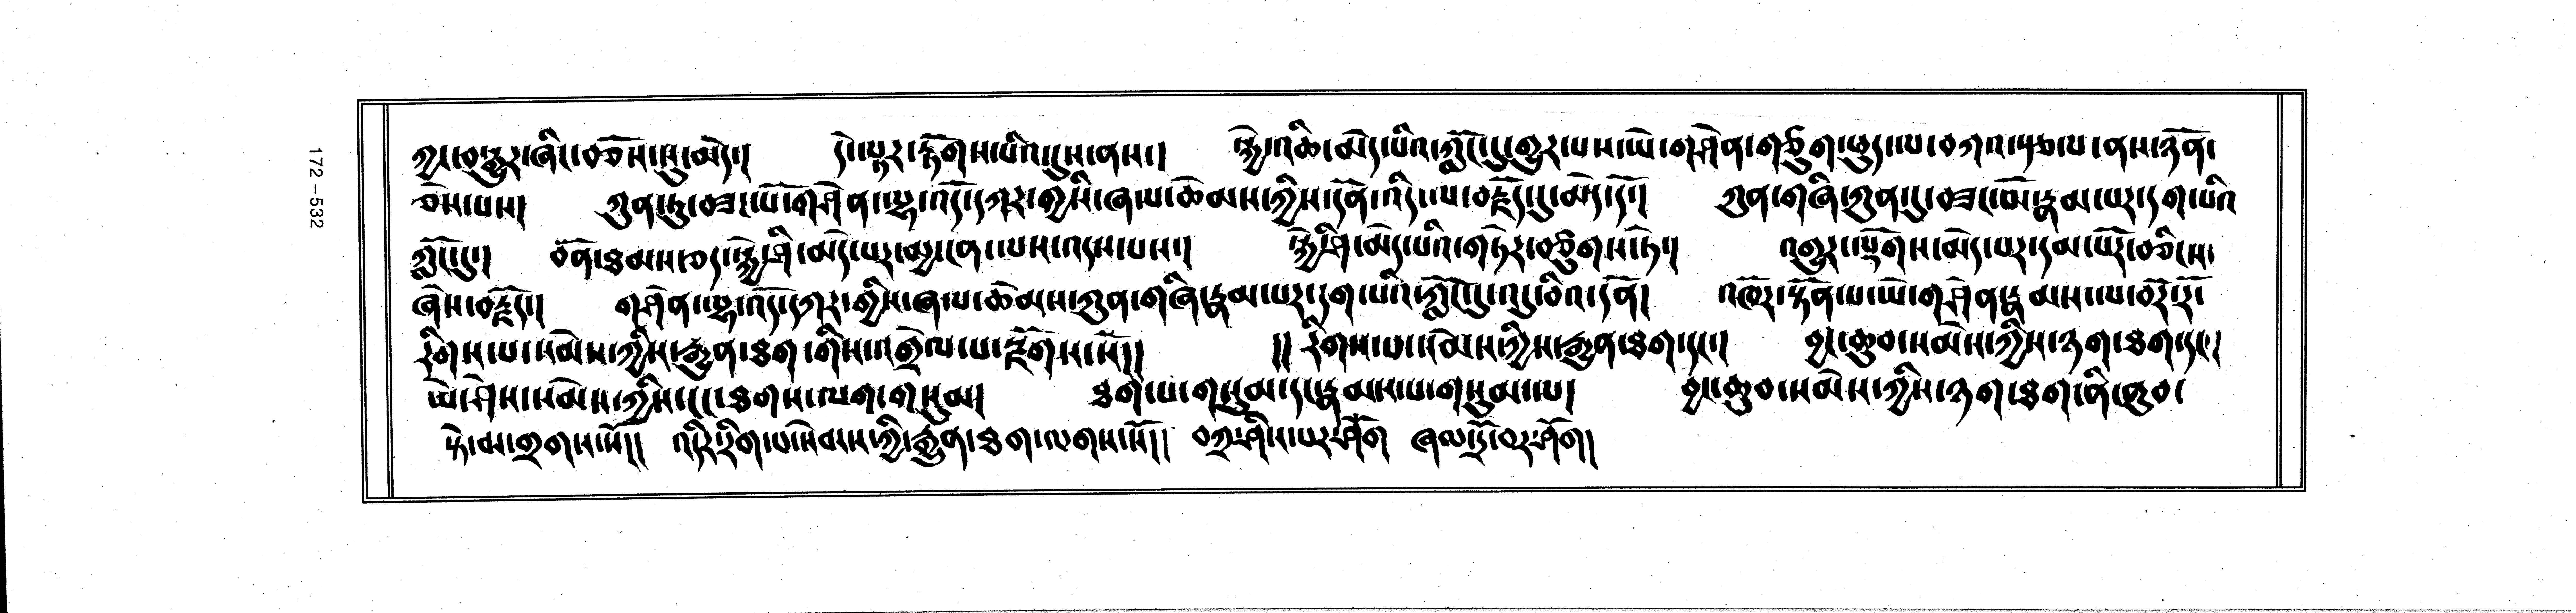ཀྱང་བསྒྱུར་ཞིང་བཅོས་སུ་མེད། དེ་ལྟར་རྟོགས་པའི་དུས་ནས། སྐྱེ་འཆི་མེད་པའི་ཀློང་དུ་གྱུར་པས་ཡེ་གཤེན་གཙུག་ཕུད་ལ་བཀའ་སྩལ་ནས་ཉོན་
ཅེས་པས། ཀུན་ཏུ་བཟང་པོ་གཤེན་ལྷ་འོད་དཀར་གྱིས་ཞལ་ཆེམས་ཀྱིས་དོན་འདི་ལ་བརྗོད་དུ་མེད་དོ། ཀུན་གཞི་ཀུན་ཏུ་བཟང་མོ་རྣམ་པར་དག་པའི་
ཀློང་དུ། བོན་ཐམས་ཅད་སྐྱེ་ཤི་མེད་པར་མྱ་ངན་ལས་འདས་པས། སྐྱེ་ཤི་མེད་པའི་གཏེར་བཙུགས་ཏེ། འགྱུར་ལྡོག་མེད་པར་དམ་པོར་བཅིངས་
ཞེས་བརྗོད། གཤེན་ལྷ་འོད་དཀར་གྱིས་ཞལ་ཆེམས་ཀུན་གཞི་རྣམ་པར་དག་པའི་ཀློང་དུ་འདུ་བའི་དོན། འཁོར་སྟོན་པ་ཡེ་གཤེན་རྣམས་ལ་བོར་རོ་
རིག་པ་སེམས་ཀྱིས་རྒྱུན་ཐག་གིས་འགྲེལ་པ་རྫོགས་སོ། རིག་པ་སེམས་ཀྱིས་རྒྱུན་ཐག་དང་བྱང་ཆུབ་སེམས་ཀྱིས་ཉག་ཐག་དང་། 
ཡེ་ཤེས་སེམས་ཀྱིས་ངང་ཐག་གསུམ། ཐེག་པ་གསུམ་དང་རྣམ་པ་གསུམ་ལ། བྱང་ཆུབ་སེམས་ཀྱིས་ཉག་ཐག་ནི་ནུབ་
སྟེ་མ་གྲགས་སོ། འདིར་རིག་པ་སེམས་ཀྱི་རྒྱུན་ཐག་ལགས་སོ། བཀྲ་ཤིས་པར་ཤོག ཞལ་དྲོ་བར་ཤོག